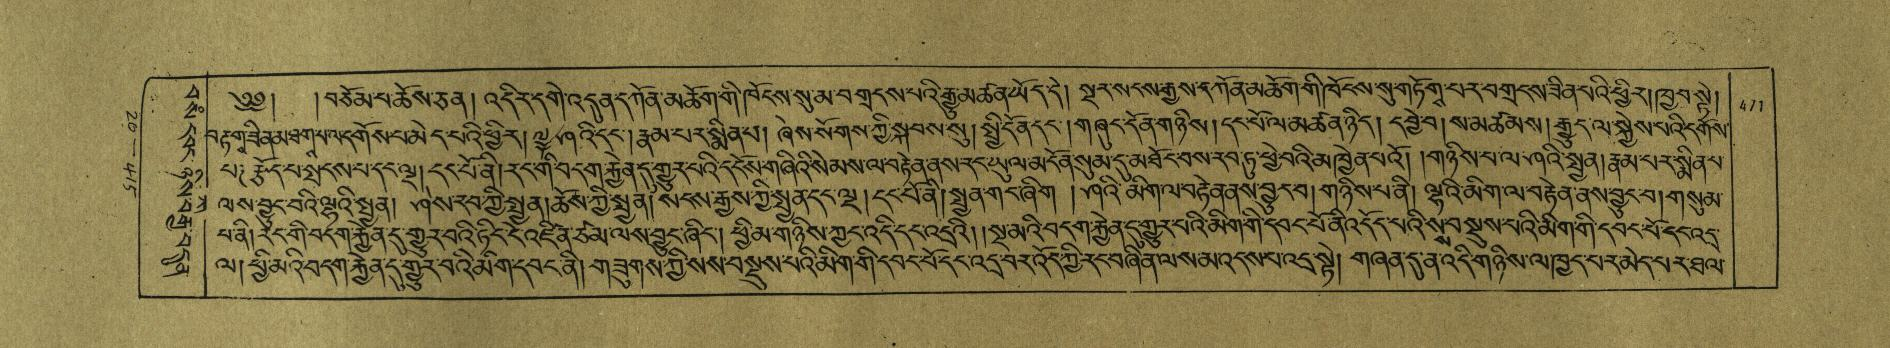༄༅། །བཅོམ་པ་ཆོས་ཅན། འདིར་དགེ་འདུན་དཀོན་མཆོག་གི་ཁོངས་སུ་མ་བགྲངས་པའི་རྒྱུ་མཚན་ཡོད་དེ། སྔར་སངས་རྒྱས་དཀོན་མཆོག་གི་ཁོངས་སུ་གཏོགས་པར་བགྲངས་ཟིན་པའི་ཕྱིར། ཁྱབ་སྟེ།
བརྟགས་ཟིན་མ་ཐགས་པ་ལ་དགོས་པ་མེད་པའི་ཕྱིར། ༈ ཤའི་དང་། རྣམ་པར་སྨིན་པ། ཞེས་སོགས་ཀྱི་སྐབས་སུ། སྤྱི་དོན་དང་། གཞུང་དོན་གཉིས། དང་པོ་ལ་མཚན་ཉིད། དབྱེ་བ། ས་མཚམས། རྒྱུད་ལ་སྐྱེས་པའི་དགོས་
པ༑ རྩོད་པ་སྤངས་པ་དང་ལྔ། དང་པོ་ནི། རང་གི་བདག་རྐྱེན་དུ་གྱུར་པའི་དངོས་གཞིའི་སེམས་ལ་བརྟེན་ནས་རང་ཡུལ་མངོན་སུམ་དུ་མཐོང་བས་རབ་ཏུ་ཕྱེ་བའི་མཁྱེན་པའོ། །གཉིས་པ་ལ་ཤའི་སྤྱན། རྣམ་པར་སྨིན་པ་
ལས་བྱུང་བའི་ལྷའི་སྤྱན། ཤེས་རབ་ཀྱི་སྤྱན། ཆོས་ཀྱི་སྤྱན། སངས་རྒྱས་ཀྱི་སྤྱན་དང་ལྔ། དང་པོ་ནི། སྤྱན་གང་ཞིག །ཤའི་མིག་ལ་བརྟེན་ནས་བྱུང་བ། གཉིས་པ་ནི། ལྷའི་མིག་ལ་བརྟེན་ནས་བྱུང་བ། གསུམ་
པ་ནི། རང་གི་བདག་རྐྱེན་དུ་གྱུར་བའི་ཏིང་ངེ་འཛིན་ཙམ་ལས་བྱུང་ཞིང་། ཕྱི་མ་གཉིས་ཀྱང་འདི་དང་འདྲའི། །སྔ་མའི་བདག་རྐྱེན་དུ་གྱུར་པའི་མིག་གི་དབང་པོ་ནི་འདོད་པའི་སས་བསྡུས་པའི་མིག་གི་དབང་པོ་དང་འདྲ་
ལ། ཕྱི་མའི་བདག་རྐྱེན་དུ་གྱུར་བའི་མིག་དབང་ནི། གཟུགས་ཀྱི་སས་བསྡུས་པའི་མིག་གི་དབང་པོ་དང་འདྲ་བར་འོད་ཀྱི་རང་བཞིན་ལས་མ་འདས་པ་འདྲ་སྟེ། གཞན་དུ་ན་འདི་གཉིས་ལ་ཁྱད་པར་མེད་པར་ཐལ་